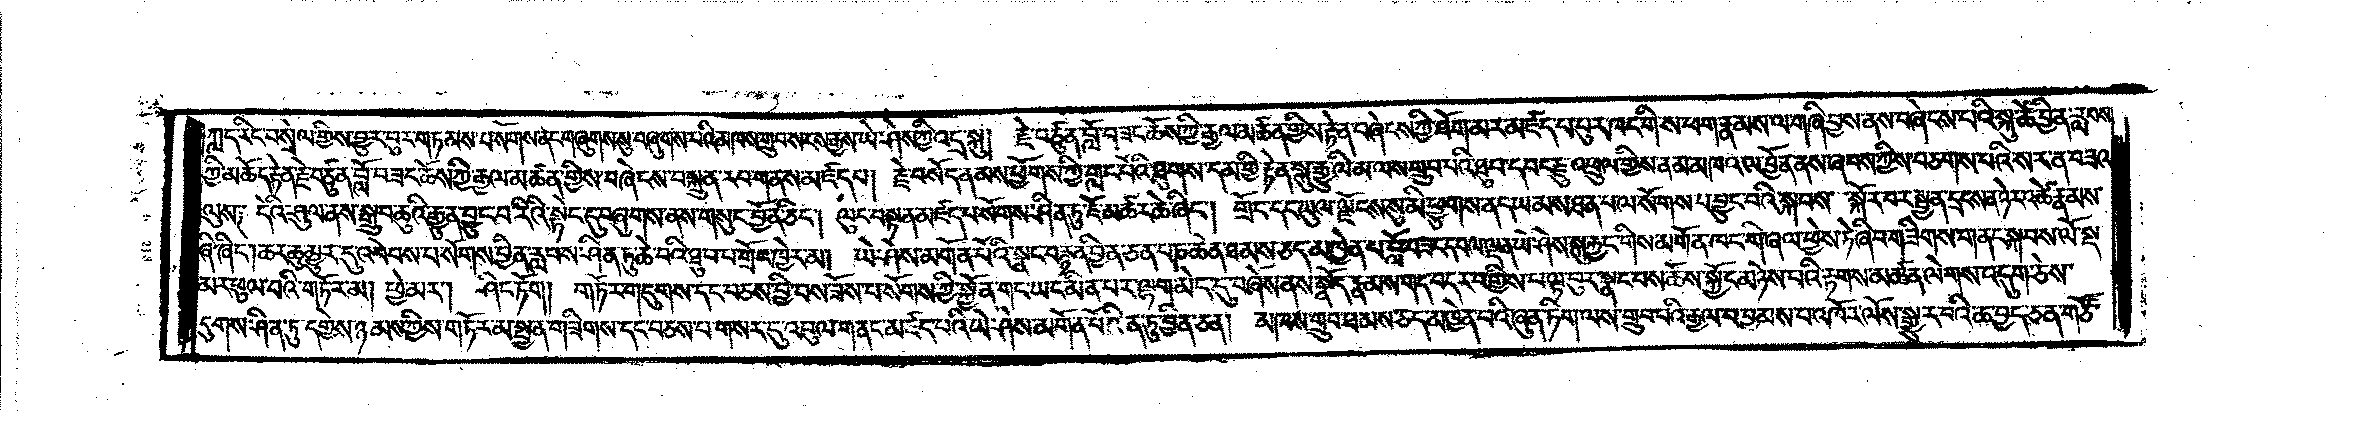ཀླད་རིང་བསྲེལ་གྱིས་བྱུར་བུར་གཏམས་པ་སོགས་ནང་བཞུགས་སུ་བཞུགས་པའི་མཁས་གྲུབ་སངས་རྒྱས་ཡེ་ཤེས་ཀྱི་འདྲ་སྐུ། རྗེ་བཙུན་བློ་བཟང་ཆོས་ཀྱི་རྒྱལ་མཚན་གྱིས་རྟེན་བཞེངས་ཀྱི་ཐོག་མར་མཛད་པ་བུར་ཁང་གི་ས་ཕག་རྣམས་ལ་གཞི་བྱས་ནས་བཞེངས་པའི་སྐུ་ཚེ་བྱིན་རླབས་
ཀྱི་མཆོད་རྟེན་རྗེ་བཙུན་བློ་བཟང་ཆོས་ཀྱི་རྒྱལ་མཚན་གྱིས་བཞེངས་བསྐྲུན་རབ་གནས་མཛད་པ། རྗེ་བསོད་ནམས་ཕྱོགས་ཀྱི་གླང་པོའི་ཐུགས་དམ་གྱི་རྟེན་སྐུ་རྒྱུ་ལིམ་ལས་གྲུབ་པའི་ཐུབ་དབང་རྫུ་འཕྲུལ་གྱིས་ནམ་མཁའ་ལ་བྱོན་ནས་ཞབས་ཀྱིས་བཅགས་པའི་སར་ན་བཟའ་
ལུས༑ དེའི་ཤུལ་ནས་སྒྲུབ་ཆུའི་རྒྱུན་བྱུང་བ་རིའི་སྟེང་དུ་བཞུགས་ནས་གསུང་བྱོན་ཅིང་། ལུང་བསྟན་མཛད་པ་སོགས་ཤིན་ཏུ་ཇོ་མཚར་ཆེ་ཞིང་། གྲོང་དང་ཡུལ་ལྗོངས་སུ་མི་ཕྱུགས་ནད་ཡམས་ཐན་པ་ལ་སོགས་པ་བྱུང་པའི་སྐབས་སྐོར་བར་སྤྱན་དྲངས་ན་ཉེར་འཚེ་རྣམས་
ཞི་ཞིང་། ཆར་ཆུ་མྱུར་དུ་འབེབས་པ་སོགས་བྱིན་རླབས་ཤིན་ཏུ་ཆེ་བའི་ཐུབ་པ་གྲོང་ཀྱེར་མ། ཡེ་ཤེས་མགོན་པོའི་སྣང་བརྙན་བྱིན་ཅན་པཎ་ཆེན་ཐམས་ཅད་མཁྱེན་པ་བློ་བཟང་དཔལ་ལྡན་ཡེ་ཤེས་སྐུ་རྐྱང་གིས་མགོན་ཁང་གི་ཞལ་ཕྱེས་ཏེ་ཞིབ་གཟིགས་གནང་སྐབས་ལོ་སྔ་
མར་ཕུལ་བའི་གཏོར་མ། ཕྱེ་མར། ཤིང་ཏོག། གཏོར་གདུགས་དང་བཅས་བྱི་བས་ཟོས་པ་སོགས་ཀྱི་སྐྱོན་གང་ཡང་མིན་པར་ལྷག་མེད་དུ་བཞེས་ནས་སྣོད་རྣམས་གདབ་དར་བགྱིས་པ་ལྟ་བུར་སྣང་བས་ཆོས་སྐྱོང་མཉེས་པའི་རྟགས་མཚན་ལེགས་འདུག་ཅེས་
དུགས་ཤིན་ཏུ་དགྱེས་ཉམས་ཀྱིས་གཏོར་མ་སྤྱན་གཟིགས་དང་བཅས་པ་གསར་དུ་འབུལ་གནང་མཛད་པའི་ཡེ་ཤེས་མགོན་པོ་ཡིན་ཏུ་བྱིན་ཅན། མཁས་གྲུབ་ཐམས་ཅད་མཁྱེན་པའི་ཞུན་ཚིག་ལས་གྲུབ་པའི་རྒྱལ་བ་བྱམས་པ་འཁོར་ལོས་སྒྱུར་བའི་ཆ་བྱད་ཅན་གཙོ་